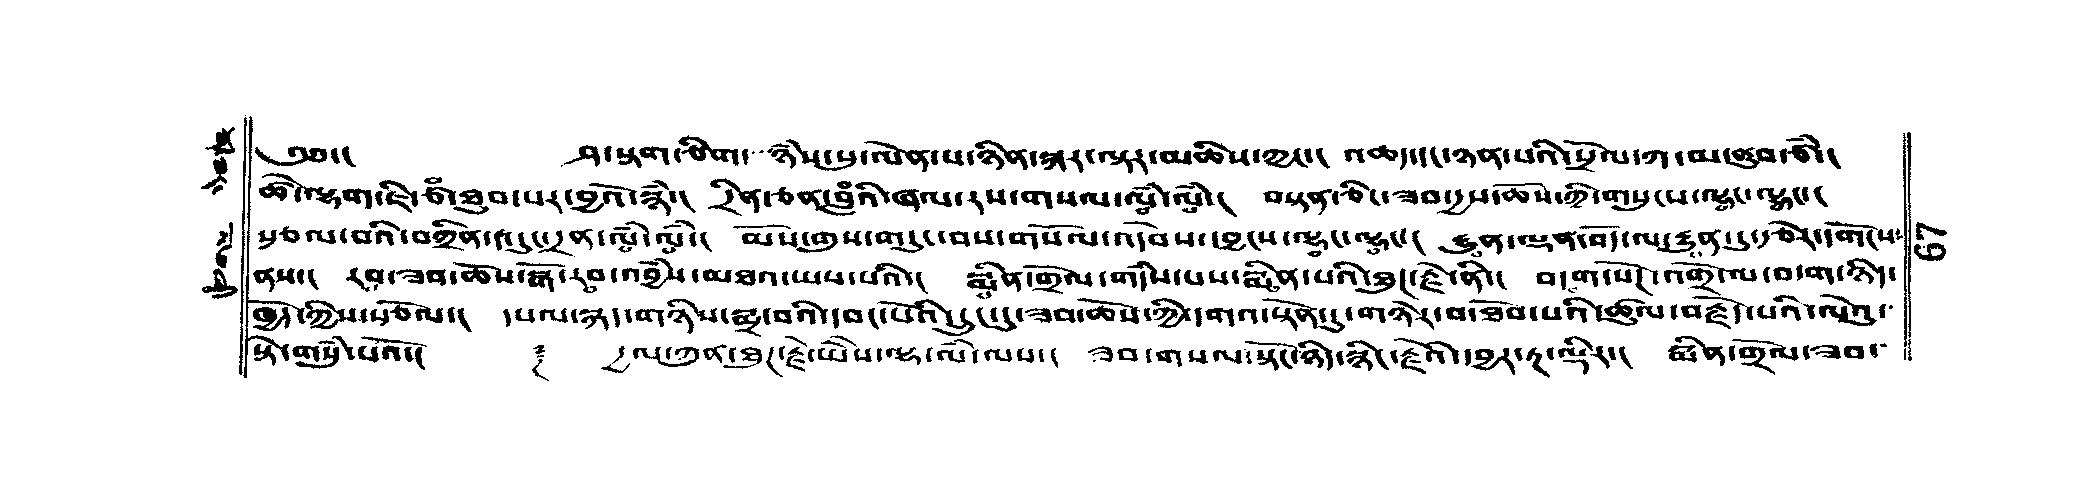ཤ་སྟག་ཅིག །ཉམས་སུ་ལེན་པ་ཉིན་སྐར་ལྟར་མཆིས་ཀྱང་། །འཆད་དང་ཉན་པའི་སྲོལ་ཀ་མ་ནུབ་ཙམ། །
ཚེ་ལྷག་ཇི་ཙམ་ཐུབ་པར་བྱའོ་སྙམ། །དྲིན་ཅན་བླ་མའི་ཞལ་རས་གསལ་ལམ་ལམ། །བསྟན་ཅིང་ཟབ་རྒྱས་ཆོས་ཀྱི་གསུངས་ལྷང་ལྷང་། །
སྩལ་བའི་བཀའ་དྲིན་ད་དུང་དྲན་ལམ་ལམ། །མོས་གུས་གདུང་བས་གསོལ་འདེབས་དབྱངས་ལྷང་ལྷང་། །རྒྱུན་ལྡན་བོད་ལ་རྒྱུན་དུ་བརྩེར་དགོངས་
ནས། །རབ་ཟབ་ཆོས་སྒོ་རབ་འབྱམས་མཐའ་ཡས་པའི། །སྨིན་གྲོལ་གདམས་པས་སྨིན་པའི་ཐུགས་རྗེ་ནི། །བདག་སོགས་འགྲོ་ལ་བདག་ཉིད་
ཁྱོད་ཀྱིས་སྩོལ། །དཔལ་སྐད་གཉིས་སྨྲ་བའི་དབང་པོའི་དྲུང་དུ་ཟབ་ཆོས་ཀྱི་དགའ་སྟོན་དུ་གཉེར་བ་ཐོབ་པའི་ཚུལ་བརྗོད་པའི་ལེའུ་
སྟེ་གསུམ་པའོ།། ༈ རྒྱལ་ཀུན་ཐུགས་རྗེ་ཡེ་ཤེས་ལྷ་ལམ་ལས། །ཟབ་གསལ་སྟོང་ཉིད་སྙིང་རྗེའི་དབྱར་རྔ་ལྡིར། །སྨིན་གྲོལ་ཟབ་